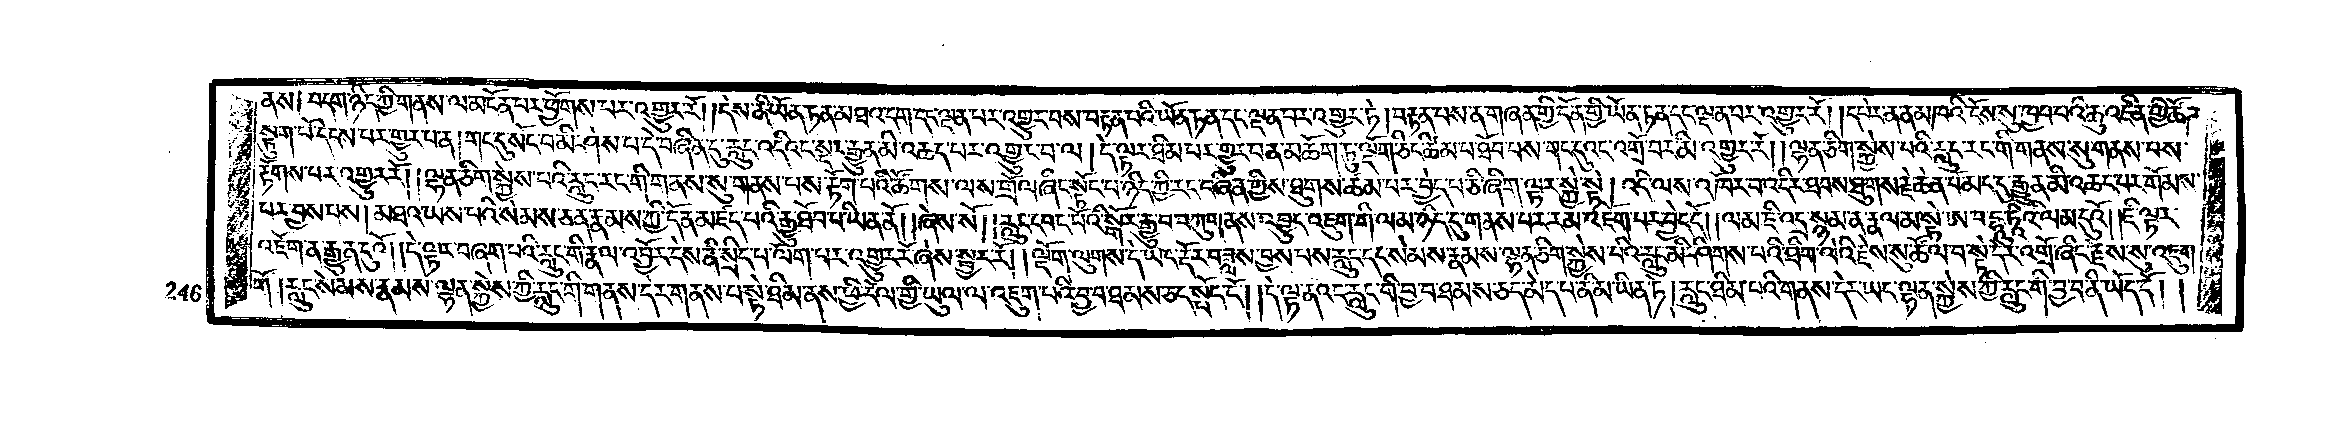ནས། བདག་ཉིད་ཀྱི་གནས་ལ་མངོན་པར་ཕྱོགས་པར་འགྱུར་རོ། །དེས་ནི་ཡོན་ཏན་མཐའ་དག་དང་ལྡན་པར་འགྱུར་བས་བརྟན་པའི་ཡོན་ཏན་དང་ལྡན་པར་འགྱུར་ཏེ། བརྟན་པས་ན་གཞན་གྱི་དོན་གྱི་ཡོན་ཏན་དང་ལྡན་པར་འགྱུར་རོ། །དཔེར་ན་ནམ་མཁའི་ངོས་སུ་ཁྱབ་པའི་ཆུ་འཛིན་གྱི་ཚོགས་
སྟུག་པོ་དེངས་པར་གྱུར་པ་ན། གང་དུ་སོང་བ་མི་ཤེས་པ་དེ་བཞིན་དུ་རླུང་འདིའང་སྔར་རྒྱུན་མི་འཆད་པར་འགྱུར་བ་ལ། དེ་ལྟར་ཐིམ་པར་གྱུར་པ་ན་མཆོག་ཏུ་ལྡོག་ཅིང་ཚིམ་པ་ཐོབ་པས་གང་དུའང་འགྲོ་བར་མི་འགྱུར་རོ། །ལྷན་ཅིག་སྐྱེས་པའི་རླུང་རང་གི་གནས་སུ་གནས་པས་
རྟོགས་པར་འགྱུར་རོ། །ལྷན་ཅིག་སྐྱེས་པའི་རླུང་རང་གི་གནས་སུ་གནས་པས་རྟོག་པའི་ཚོགས་ལས་གྲོལ་ཞིང་སྟོང་པ་ཉིད་ཀྱི་རང་བཞིན་གྱིས་ཐུགས་ཚིམ་པར་བྱེད་པ་ཅི་ཞིག་ལྟར་སྐྱེ་སྟེ། འདི་ལས་འཁོར་བ་འདིར་ཐབས་ཐུགས་རྗེ་ཆེན་པོ་མང་དུ་རྒྱུན་མི་འཆད་པར་གོམས་
པར་བྱས་པས། མཐའ་ཡས་པའི་སེམས་ཅན་རྣམས་ཀྱི་དོན་མཛད་པའི་རྒྱུ་ཐོབ་པ་ཡིན་ནོ། །ཞེས་སོ། །རླུང་དབང་པོའི་སྒོར་རྒྱུ་བ་བཀུག་ནས་འབྱུང་འཇུག་གི་ལམ་ཉིད་དུ་གནས་པར་རམ་འཇོག་པར་བྱེད་དོ། །ལམ་ཇི་འདྲ་སྙམ་ན་རྣལ་མ་སྟེ་ཨ་བ་དྷཱུ་ཏཱིའི་ལམ་དུའོ། །ཇི་ལྟར་
འཇོག་ན་རྒྱུན་དུའོ། །དེ་ལྟར་བཞག་པའི་རླུང་གི་རྣལ་འབྱོར་དེས་ནི་སྲིད་པ་ལོག་པར་འགྱུར་རོ་ཞེས་སྦྱར་རོ། །ལྡོག་ལུགས་དེ་ཡང་རྡོར་བཟླས་བྱས་པས་རླུང་དང་སེམས་རྣམས་ལྷན་ཅིག་སྐྱེས་པའི་རླུང་མི་ཤིགས་པའི་ཐིག་ལེའི་རྗེས་སུ་ཚོལ་བ་སྟེ་དེར་འགྲོ་ཞིང་རྗེས་སུ་འཇུག་
གོ །རླུང་སེམས་རྣམས་ལྷན་སྐྱེས་ཀྱི་རླུང་གི་གནས་དེར་གནས་པ་སྟེ་ཐིམ་ནས་ཕྱི་རོལ་གྱི་ཡུལ་ལ་འཇུག་པའི་བྱ་བ་ཐམས་ཅད་སྤོང་ངོ། །དེ་ལྟ་ནའང་རླུང་གི་བྱ་བ་ཐམས་ཅད་མེད་པ་ནི་མ་ཡིན་ཏེ། རླུང་ཐིམ་པའི་གནས་དེར་ཡང་ལྷན་སྐྱེས་ཀྱི་རླུང་གི་བྱ་བ་ནི་ཡོད་དོ།།